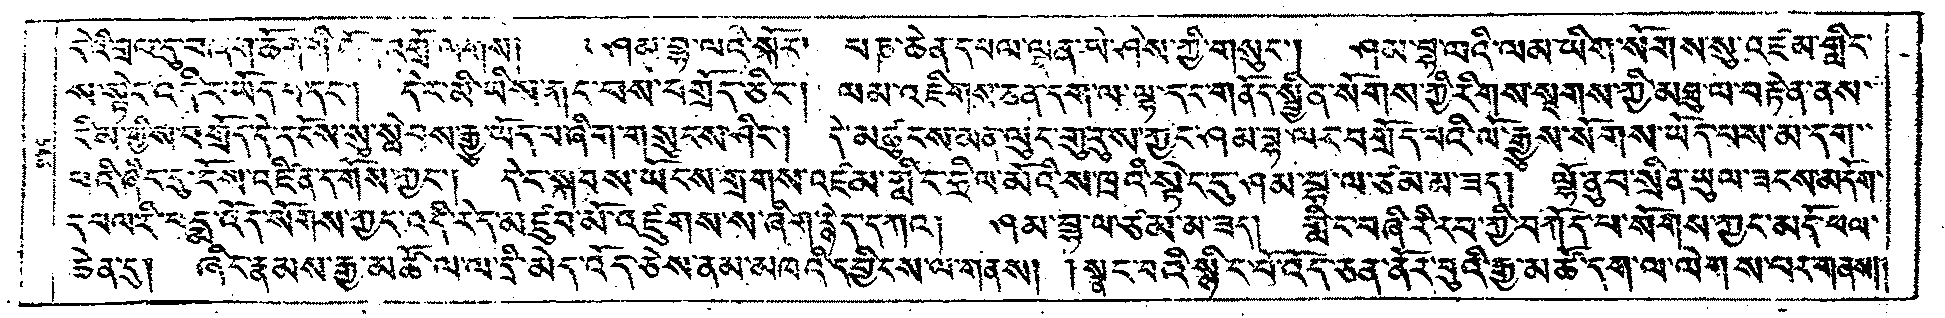དེའི་གྲལ་དུ་བཞག་ཆོག་གི་ཡོད་འགྲོ་ལགས། ༧ཤམ་བྷ་ལའི་སྐོར། པཎ་ཆེན་དཔལ་ལྡན་ཡེ་ཤེས་ཀྱི་གསུང་། ཤམ་བྷ་ལའི་ལམ་ཡིག་སོགས་སུ་འཛམ་གླིང་
ས་སྟེང་འདིར་ཡོད་པ་དང་། དེར་མི་ཡིས་རྐང་པས་བགྲོད་ཅིང་། ལམ་འཇིགས་ཅན་དག་ལ་ལྷ་དང་གནོད་སྦྱིན་སོགས་ཀྱི་རིགས་སྔགས་ཀྱི་མཐུ་ལ་བརྟེན་ནས་
རིམ་གྱིས་བགྲོད་དེ་དངོས་སུ་སླེབས་རྒྱུ་ཡོད་པ་ཞིག་གསུངས་ཤིང་། དེ་མཚུངས་མན་ལུང་གུ་རུས་ཀྱང་ཤམ་བྷ་ལར་བགྲོད་པའི་ལོ་རྒྱུས་སོགས་ཡོད་པས་མ་དག་
པའི་ཞིང་དུ་ངོས་འཛིན་དགོས་ཀྱང་། དེང་སྐབས་ཡོངས་གྲགས་འཛམ་གླིང་ཧྲིལ་མོའི་ས་ཁྲའི་སྟེང་དུ་ཤམ་བྷ་ལ་ཙམ་མ་ཟད། ལྷོ་ནུབ་སྲིན་ཡུལ་ཟངས་མདོག་
དཔལ་རི་པདམ་འོད་སོགས་ཀྱང་འདི་རེད་མཛུབ་མོ་འཛུགས་ས་ཞིག་རྙེད་དཀའ། ཤམ་བྷ་ལ་ཙམ་མ་ཟད། གླིང་བཞི་རི་རབ་ཀྱི་བཀོད་པ་སོགས་ཀྱང་མདོ་ཕལ་
ཆེན་དུ། ཞིང་རྣམས་རྒྱ་མཚོ་ལ་ལ་དྲི་མེད་འོད་ཅེས་ནམ་མཁའི་དབྱིངས་ལ་གནས། །སྣང་བའི་སྙིང་པོ་འོད་ཅན་ནོར་བུའི་རྒྱ་མཚོ་དག་ལ་ལེགས་པར་གནས། །